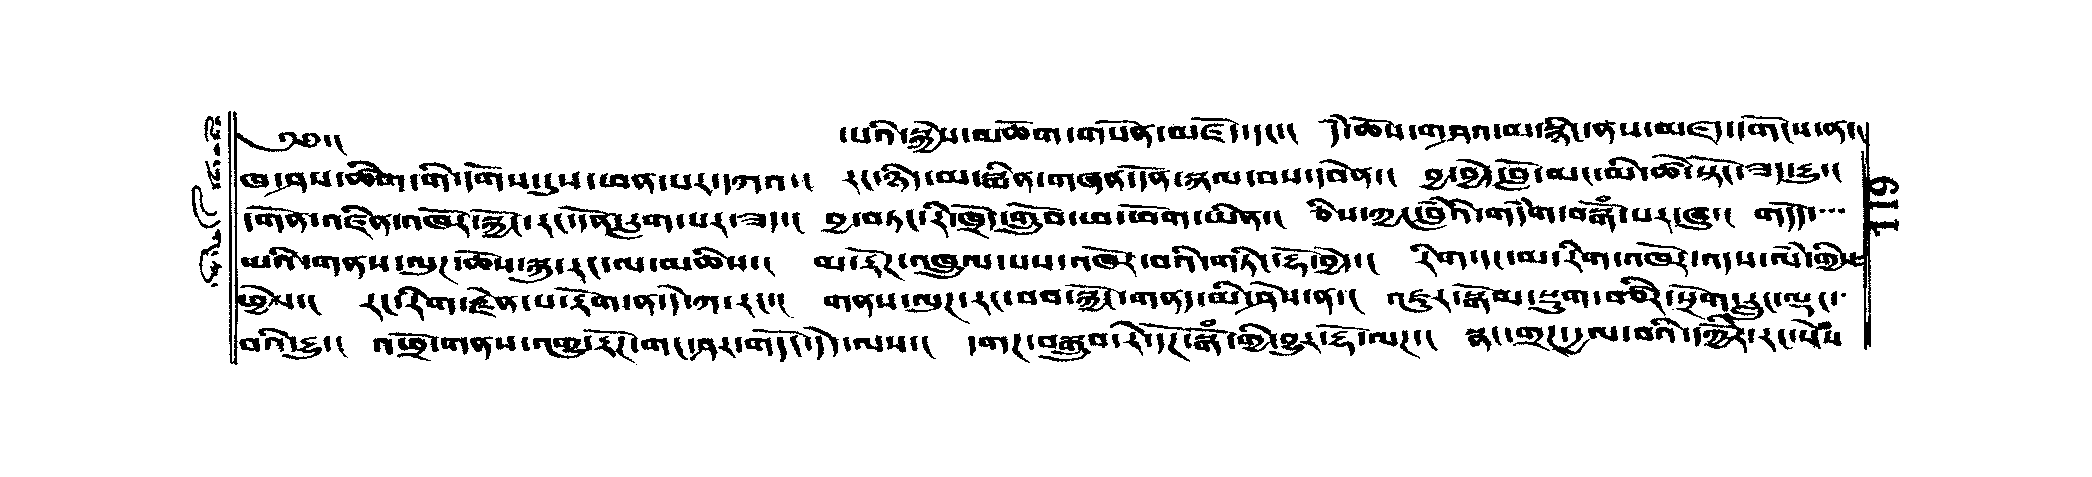པའི་སྐྱེས་མཆོག་གསོན་མཛོད་དང་། །དམ་ཆོས་གཤའ་མ་སྙིང་ནས་མཛད་དགོངས་ན། །
ཁ་བཤང་ཚིག་གི་དགོས་དུས་ཕན་པར་དཀའ། །རང་ཉིད་མ་སྨིན་གཞན་དོན་སྐལ་བས་དབེན། །བྱ་བྱེད་བློ་མང་མི་ཚེ་སྟོང་ཟད་རྒྱུ། །
དགོན་འཛིན་འཁོར་སྐྱོང་རང་དོན་རླག་པར་ཟད། །བྱ་བཏང་རི་ཁྲོད་གྲུབ་ཐོབ་ཕ་ཕོགས་ཡིན། །ཅིས་ཀྱང་བླ་མའི་གདམས་ངག་བསྒོམ་པར་ཞུ། །གདོད་
མའི་གནས་ལུགས་ཆོས་སྐུ་རང་ལ་མཆིས། །མ་རྟོགས་འཁྲུལ་པས་འཁོར་བའི་གཏིང་རྡོ་བྱེད། །རིག་དང་མ་རིག་འཁོར་འདས་ལམ་གྱིས་
ཕྱེས། །རང་རིག་རྗེན་པར་རྟོགས་ན་དེ་ཀ་རང་། །གནས་ལུགས་རང་བབ་སྐྱོང་གནད་མི་ཤེས་ན། །འཇུར་སྒོམ་སྡུག་བཙིར་སྲོག་རླུང་ལྡང་
བའི་རྒྱུ། །འཕྲོ་གནས་འགྱུ་རྟོགས་གང་ཤར་གདོང་དེད་ལས། །དགག་བསྒྲུབ་རེ་དོགས་སྒོམ་གྱི་བྱུར་རྡོ་ལགས། །སྣང་གྲགས་རྒྱལ་བའི་དཀྱིལ་འཁོར་རང་སེམས་